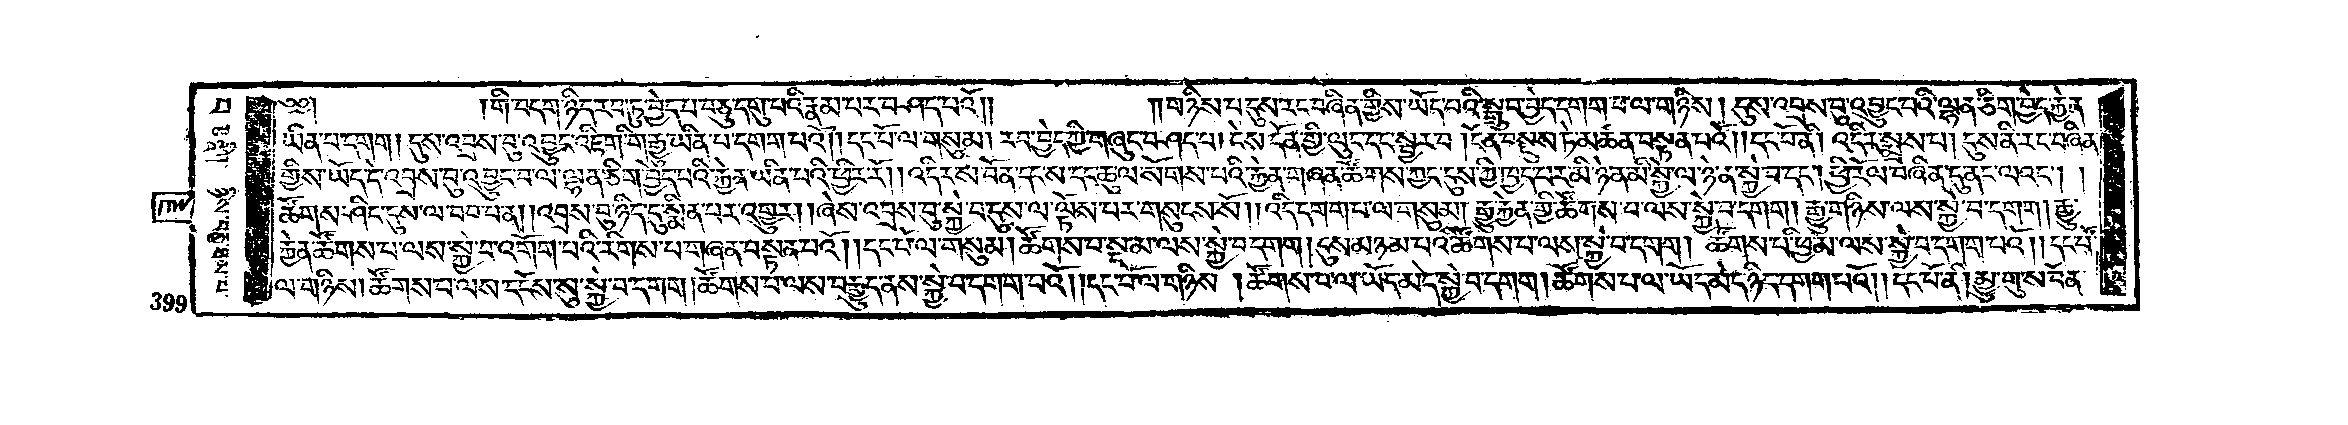༄༅། །གི་བདག་ཉིད་རབ་ཏུ་བྱེད་པ་བཅུ་དགུ་པའི་རྣམ་པར་བཤད་པའོ།། །།གཉིས་པ་དུས་རང་བཞིན་གྱིས་ཡོད་པའི་སྒྲུབ་བྱེད་དགག་པ་ལ་གཉིས། དུས་འབྲས་བུ་འབྱུང་བའི་ལྷན་ཅིག་བྱེད་རྐྱེན་
ཡིན་པ་དགག །དུས་འབྲས་བུ་འབྱུང་འཇིག་གི་རྒྱུ་ཡིན་པ་དགག་པའོ། །དང་པོ་ལ་གསུམ། རབ་བྱེད་ཀྱི་གཞུང་བཤད་པ། ངེས་དོན་གྱི་ལུང་དང་སྦྱར་བ། དོན་བསྡུས་ཏེ་མཚན་བསྟན་པའོ། །དང་པོ་ནི། འདིར་སྨྲས་པ། དུས་ནི་རང་བཞིན་
གྱིས་ཡོད་དེ་འབྲས་བུ་འབྱུང་བ་ལ་ལྷན་ཅིག་བྱེད་པའི་རྐྱེན་ཡིན་པའི་ཕྱིར་རོ།། འདིར་ས་བོན་དང་ས་དང་ཆུ་ལ་སོགས་པའི་རྐྱེན་གཞན་ཚོགས་ཀྱང་དུས་ཀྱི་ཁྱད་པར་མི་ཉེ་ན་མི་སྐྱེ་ལ་ཉེ་ན་སྐྱེ་བ་དང་། ཕྱི་རོལ་བཞིན་དུ་ནང་ལའང་། །
ཚོགས་ཤིང་དུས་ལ་བབ་པ་ན། །འབྲས་བུ་ཉིད་དུ་སྨིན་པར་འགྱུར། །ཞེས་འབྲས་བུ་སྐྱེ་བ་དུས་ལ་ལྟོས་པར་གསུངས་སོ། །འདི་དགག་པ་ལ་གསུམ། རྒྱུ་རྐྱེན་གྱི་ཚོགས་པ་ལས་སྐྱེ་བ་དགག །རྒྱུ་གཉིས་ལས་སྐྱེ་བ་དགག །རྒྱུ་
རྐྱེན་ཚོགས་པ་ལས་སྐྱེ་བ་འགོག་པའི་རིགས་པ་གཞན་བསྟན་པའོ། །དང་པོ་ལ་གསུམ། ཚོགས་པ་སྔ་མ་ལས་སྐྱེ་བ་དགག །དུས་མཉམ་པའི་ཚིགས་པ་ལས་སྐྱེ་བ་དགག །ཚོགས་པ་ཕྱི་མ་ལས་སྐྱེ་བ་དགག་པའོ། །དང་པོ་
ལ་གཉིས། ཚོགས་པ་ལས་དངོས་སུ་སྐྱེ་བ་དགག །ཚོགས་པ་ལས་བརྒྱུད་ནས་སྐྱེ་བ་དགག་པའོ། །དང་པོ་ལ་གཉིས། ཚོགས་པ་ལ་ཡོད་མེད་སྐྱེ་བ་དགག །ཚོགས་པ་ལ་ཡོད་མེད་ཉིད་དགག་པའོ། །དང་པོ་ནི། མྱུ་གུ་ས་བོན་